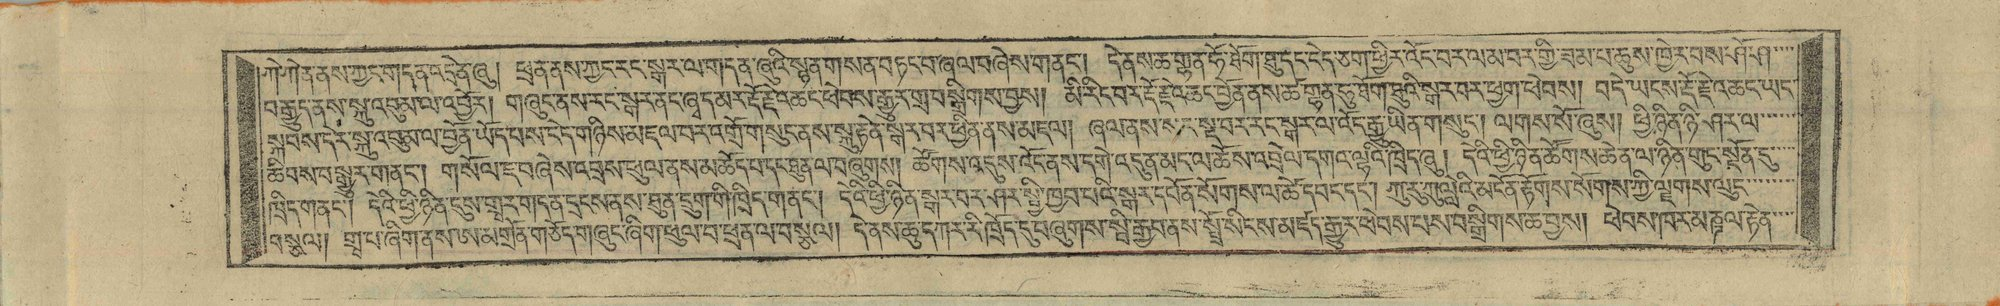ཀེ་ཀེན་ནས་ཀྱང་གདན་འདྲེན་ཞུ། ཕྲན་ནས་ཀྱང་རང་སྒར་ལ་གདན་ཞུའི་སྙན་གསན་བཏང་བ་ཞལ་བཞེས་གནང་། དེ་ནས་ཆ་གྷན་ཧོ་ཐོག་ཐུ་དང་ངེད་ཅག་ཕྱིར་འོང་བར་ལམ་བར་གྱི་ཟམ་པ་ཆུས་ཁྱེར་བས་ཤོ་ཤ་
བརྒྱུད་ནས་སྐུ་འབུམ་ལ་འབྱོར། གཞུང་ནས་རང་སྒར་ནང་ཞྭ་དམར་རྡོ་རྗེ་འཆང་ཕེབས་རྒྱུར་གྲ་བསྒྲིགས་བྱས། མི་རིང་བར་རྡོ་རྗེ་འཆང་བྱོན་ནས་ཚ་གྷན་ཧུ་ཐོག་ཐུའི་སྒར་བར་ཕྱག་ཕེབས། བདེ་ཡངས་རྡོ་རྗེ་འཆང་ཡང་
སྐབས་དེར་སྐུ་འབུམ་ལ་བྱོན་ཡོད་པས་ངེད་གཉིས་མཇལ་བར་འགྲོ་གསུང་ནས་སྐུ་རྟེན་སྒར་བར་ཕྱིན་ནས་མཇལ། ཞལ་ནས་སང་སྔ་བར་རང་སྒར་ལ་འོང་རྒྱུ་ཡིན་གསུང་། ལགས་སོ་ཞུས། ཕྱི་ཉིན་ཉི་ཤར་ལ་
ཆིབས་བསྒྱུར་གནང་། གསོལ་ཇ་བཞེས་འབྲས་ཕུལ་ནས་མཆོད་པ་དང་ཐུན་ལ་བཞུགས། ཚོགས་འདུས་འོང་ནས་དགེ་འདུན་མང་ལ་ཆོས་འབྲེལ་དགའ་ལྷའི་ཁྲིད་ཞུ། དེའི་ཕྱི་ཉིན་ཚོགས་ཆེན་ལ་ཉིན་གུང་སྔོན་དུ་
ཁྲིད་གནང་། དེའི་ཕྱི་ཉིན་དུས་གྲྭར་གདན་དྲངས་ནས་ཐུན་དྲུག་གི་ཁྲིད་གནང་། དེའི་ཕྱི་ཉིན་སྒར་བར་ཤར་སྤྱི་ཁྱབ་པའི་སྒར་དཔོན་སོགས་ལ་ཚེ་དབང་དང་། ཀུ་རུ་ཀུལླེའི་མངོན་རྟོགས་སོགས་ཀྱི་ལྗགས་ལུང་
བསྩལ། གྲྭ་པ་ཞིག་ནས་ཨ་མགྲོན་གཅོད་གཞུང་ཞིག་ཕུལ་བ་ཕྲན་ལ་བསྩལ། དེ་ནས་ཆུ་དཀར་རི་ཁྲོད་དུ་བཞུགས་སྦི་རྒྱབ་ནས་སྤྲོ་སིངས་མཛད་རྒྱུར་ཕེབས་པས་བསྒྲིགས་ཆ་བྱས། ཕེབས་ཁར་མཎྜལ་རྟེན་